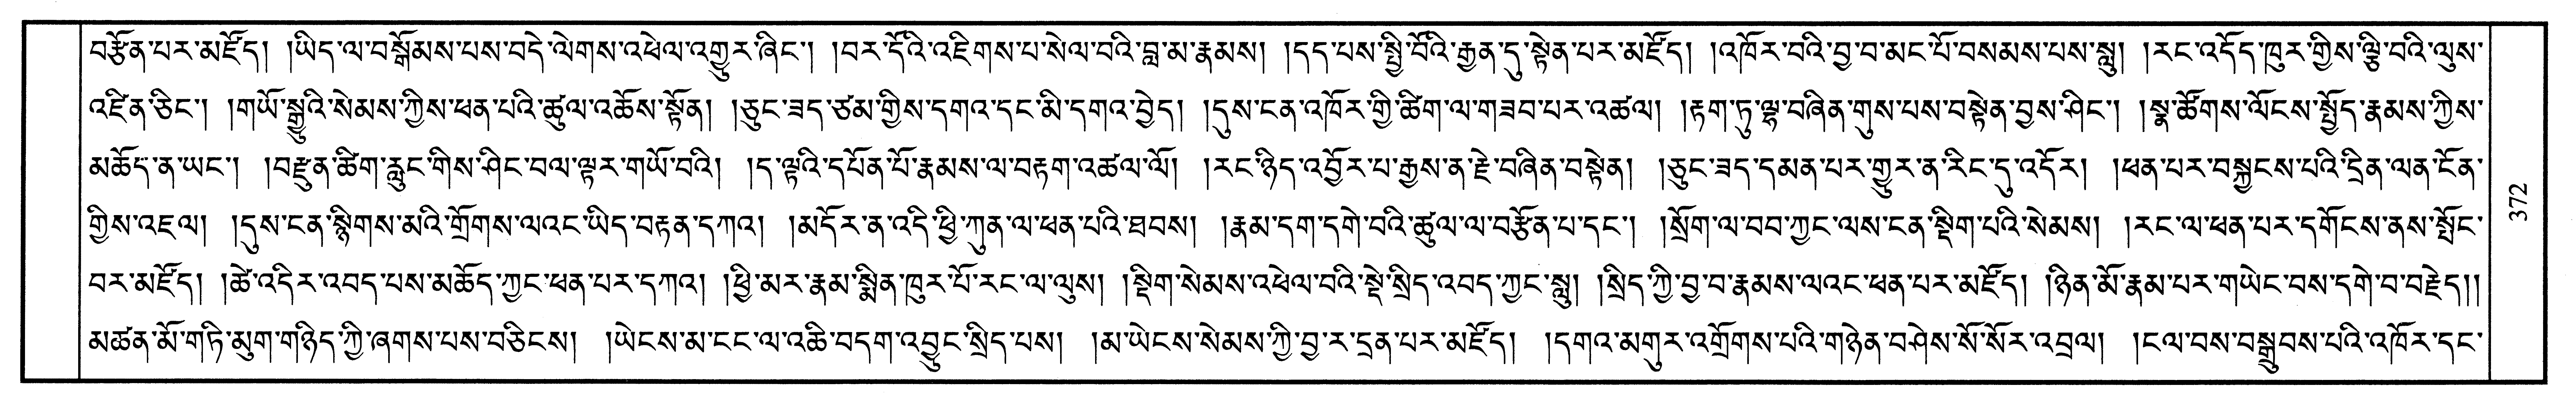བརྩོན་པར་མཛོད། །ཡིད་ལ་བསྒོམས་པས་བདེ་ལེགས་འཕེལ་འགྱུར་ཞིང་། །བར་དོའི་འཇིགས་པ་སེལ་བའི་བླ་མ་རྣམས། །དད་པས་སྤྱི་བོའི་རྒྱན་དུ་སྟེན་པར་མཛོད། །འཁོར་བའི་བྱ་བ་མང་པོ་བསམས་པས་སླུ། །རང་འདོད་ཁུར་གྱིས་ལྕི་བའི་ལུས་
འཛིན་ཅིང་། །གཡོ་སྒྱུའི་སེམས་ཀྱིས་ཕན་པའི་ཚུལ་འཆོས་སྟོན། །ཅུང་ཟད་ཙམ་གྱིས་དགའ་དང་མི་དགའ་བྱེད། །དུས་ངན་འཁོར་གྱི་ཚིག་ལ་གཟབ་པར་འཚལ། །རྟག་ཏུ་ལྷ་བཞིན་གུས་པས་བསྟེན་བྱས་ཤིང་། །སྣ་ཚོགས་ལོངས་སྤྱོད་རྣམས་ཀྱིས་
མཆོད་ན་ཡང་། །བརྫུན་ཚིག་རླུང་གིས་ཤིང་བལ་ལྟར་གཡོ་བའི། །ད་ལྟའི་དཔོན་པོ་རྣམས་ལ་བརྟག་འཚལ་ལོ། །རང་ཉིད་འབྱོར་པ་རྒྱས་ན་རྗེ་བཞིན་བསྟེན། །ཅུང་ཟད་དམན་པར་གྱུར་ན་རིང་དུ་འདོར། །ཕན་པར་བསྐྱངས་པའི་དྲིན་ལན་ངོན་
གྱིས་འཇལ། །དུས་ངན་སྙིགས་མའི་གྲོགས་ལའང་ཡིད་བརྟན་དཀའ། །མདོར་ན་འདི་ཕྱི་ཀུན་ལ་ཕན་པའི་ཐབས། །རྣམ་དག་དགེ་བའི་ཚུལ་ལ་བརྩོན་པ་དང་། །སྲོག་ལ་བབ་ཀྱང་ལས་ངན་སྡིག་པའི་སེམས། །རང་ལ་ཕན་པར་དགོངས་ནས་སྤོང་
བར་མཛོད། །ཚེ་འདིར་འབད་པས་མཆོད་ཀྱང་ཕན་པར་དཀའ། །ཕྱི་མར་རྣམ་སྨིན་ཁུར་པོ་རང་ལ་ལུས། །སྡིག་སེམས་འཕེལ་བའི་སྡེ་སྲིད་འབད་ཀྱང་སླུ། །སྲིད་ཀྱི་བྱ་བ་རྣམས་ལའང་ཕན་པར་མཛོད། །ཉིན་མོ་རྣམ་པར་གཡེང་བས་དགེ་བ་བརྗེད།།
མཚན་མོ་གཏི་མུག་གཉིད་ཀྱི་ཞགས་པས་བཅིངས། །ཡེངས་མ་ངང་ལ་འཆི་བདག་འབྱུང་སྲིད་པས། །མ་ཡེངས་སེམས་ཀྱི་བྱ་ར་དྲན་པར་མཛོད། །དགའ་མགུར་འགྲོགས་པའི་གཉེན་བཤེས་སོ་སོར་འབྲལ། །ངལ་བས་བསྒྲུབས་པའི་འཁོར་དང་